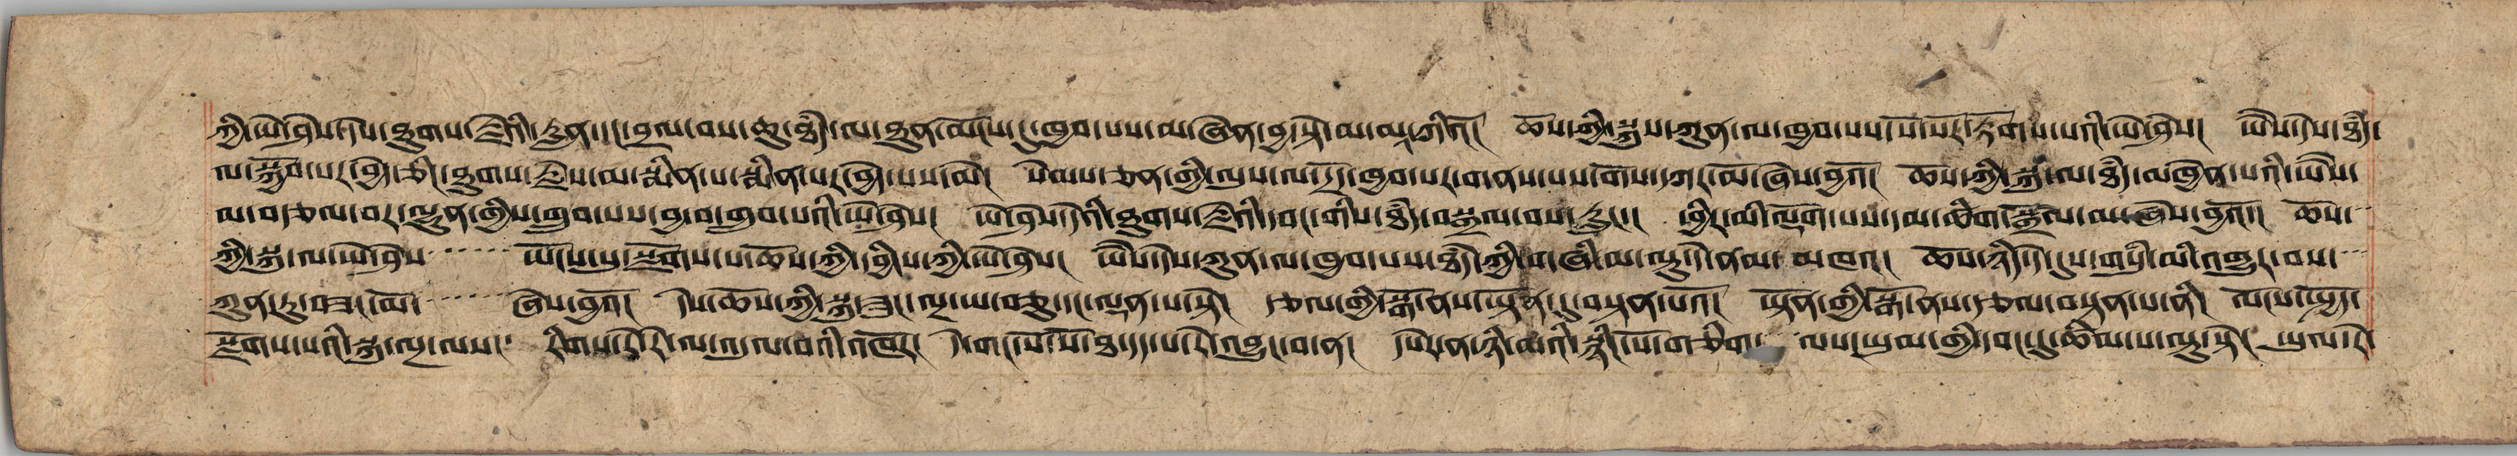ཀྱི་ཡེ་ཤེས་དེས་ཐུགས་རྗེའི་རླན་དང་བྲལ་བས་ཆུ་ཐཾད་ལ་ཐུན་མོངས་དུ་ཁྱབ་པས་མ་ཞེན་བྱ་སྟེ་མ་མཱ་ཀིའོ། ཆོས་གྱི་སྐུས་ཀུན་ལ་ཁྱབ་པས་སོ་སོར་རྟོག་པའི་ཡེ་ཤེས། ཡཻས་དེས་ཐཾད་
ལ་སྐྱོབ་པར་བྱེད་ཅིང་ཐུགས་རྗེས་མ་་སྨིན་པ་སྨིན་པར་བྱེད་པས་མེ། སེམས་ཅན་གྱི་ལུས་ལ་དྲོད་ཁྱབ་པར་གནས་པས་གོས་དཀར་མོ་ཞེས་བྱའོ། ཆོས་ཀྱི་སྐུ་ལ་ཐཾད་མཁྱེན་པའི་ཡཻས་
མ་བརྩལ་བར་ལྷུན་གྱིས་གྲུབ་པས་བྱ་བ་གྲུབ་པའི་ཡེ་ཤེས། ཡེ་ཤེས་དེའི་ཐུགས་རྗེའི་དབང་གིས་ཐཾད་བསྒྲལ་བས་རླུང་། ཕྱིར་མི་ལྡོག་པས་དམ་ཚིག་སྒྲོལ་མ་ཞེས་བྱའོ་། ཆོས་
ཀྱི་སྐུ་ལ་ཡེ་ཤེས་་་་་ཡོངས་སུ་སྫོགས་པ་ཆོས་ཀྱི་དབྱིངས་ཀྱི་ཡེ་ཤེས། ཡཻས་དེས་ཀུན་ལ་ཁྱབ་པས་ཐཾད་ཀྱི་གཞི་མ་ལྟུ་དེ་ནམ་མཁའ། ཆོས་ཉིད་དེ་དུས་གསུཾ་མི་འགྱུར་བས་་་
ཀུན་ཏུ་བཟང་མོ་ ཞེས་བྱའོ། དེས་ཆོས་ཀྱི་སྐུ་ཟུང་ལྔ་ཡ་བཅུ་དང་ལྡན་པ་སྟེ། རྩལ་གྱི་སྒོ་ནས་ཡྟོན་དུ་བསྟན་པའོ། ཡྟོན་གྱི་སྒོ་ནས་རྩལ་བསྟན་པ་ནི། ལོངས་སྤྱོད་
སྫོགས་པའི་སྐུ་ལྔ་ལས། རིགས་རེ་རེ་ལ་འདུལ་བའི་འཁོར། དེ་གང་སོ་སོ་ཐ་དད་པ་རེ་འབྱུང་བ་ན། དཔེར་ན་ཉི་མའི་སྙིང་པོ་གཅིག་ལས་ཡུམ་གྱིདབང་དུ་ཚིམ་པ་ལྟུ་སྟེ་། ཡུལ་རེ་